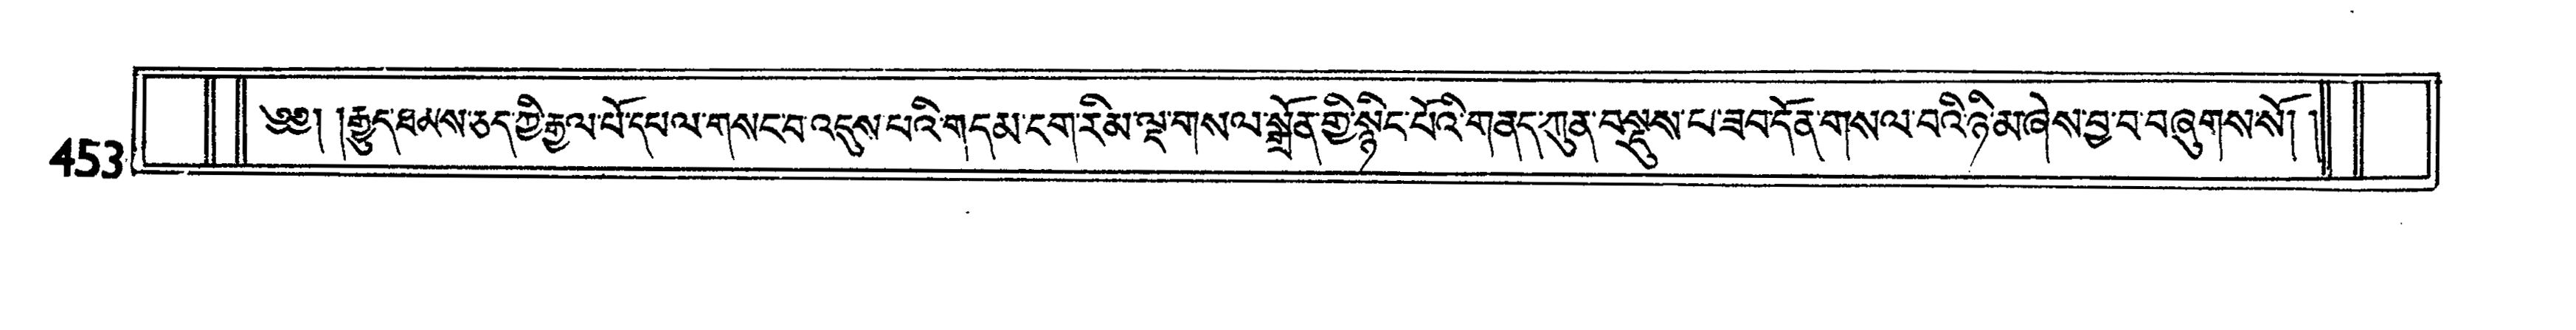༄༅། །རྒྱུད་ཐམས་ཅད་ཀྱི་རྒྱལ་པོ་དཔལ་གསང་བ་འདུས་པའི་གདམ་ངག་རིམ་ལྔ་གསལ་སྒྲོན་གྱི་སྙིང་པོའི་གནད་ཀུན་བསྡུས་པ་ཟབ་དོན་གསལ་བའི་ཉི་མ་ཞེས་བྱ་བ་བཞུགས་སོ། །